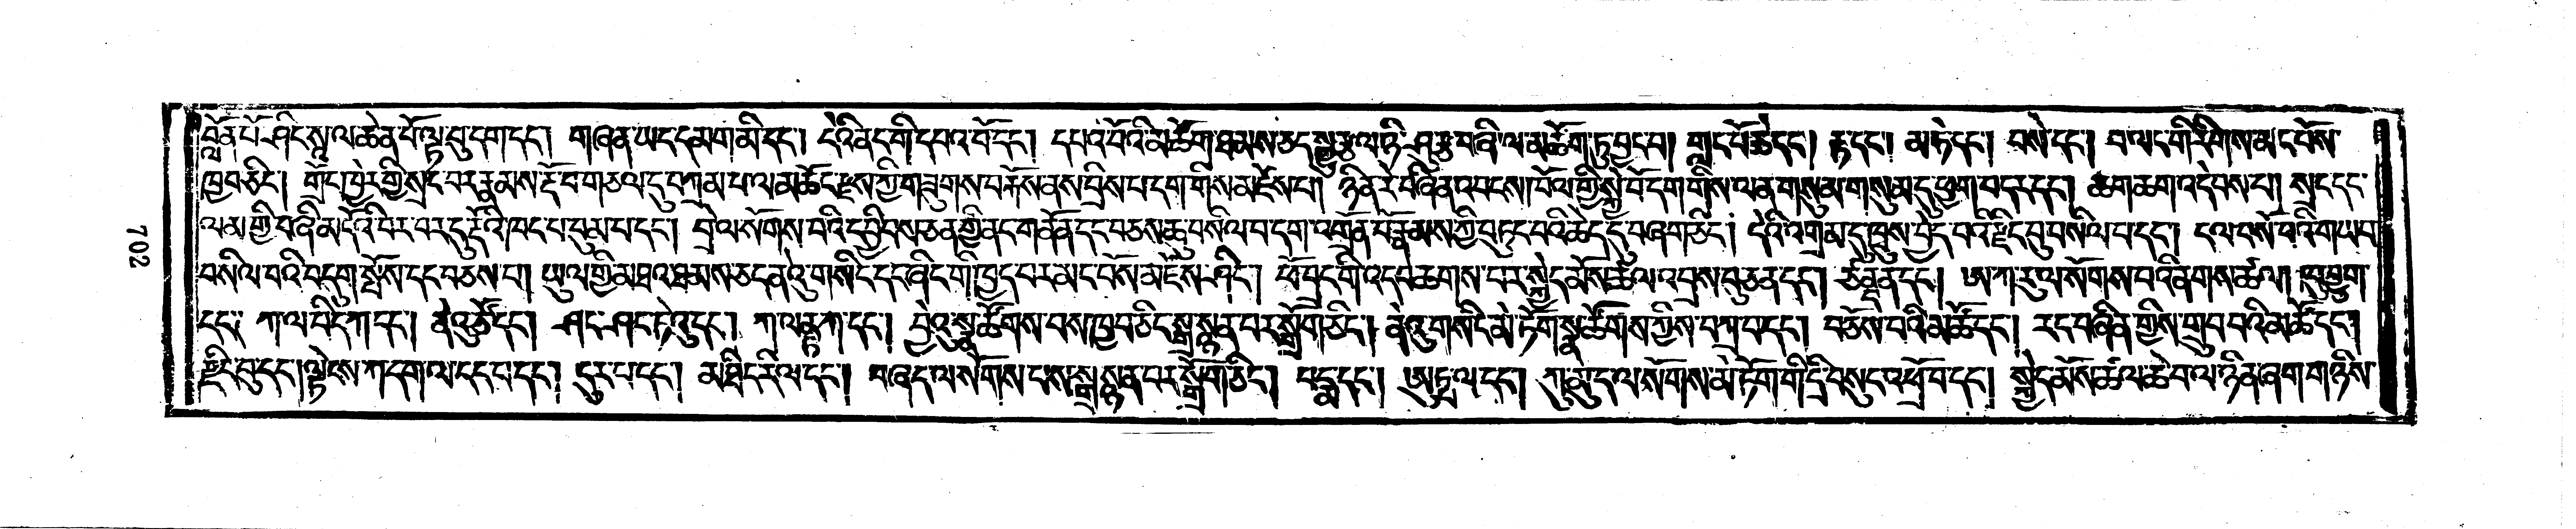བློན་པོ་ཤིང་སཱ་ལ་ཆེན་པོ་ལྟ་བུ་དག་དང་། གཞན་ཡང་དམག་མི་དང་། དེའི་ནང་གི་དཔའ་བོ་དང་། དཔའ་བོའི་མཆོག་ཐམས་ཅད་སྒྱུ་རྩལ་ཉི་ཤུ་རྩ་བཞི་ལ་མཆོག་ཏུ་བྱང་བ། གླང་པོ་ཆེ་དང་། རྟ་དང་། མཧེ་དང་། བསེ་དང་། བ་ལང་གི་རིགས་མང་པོས་
ཁྱབ་ཅིང་། གྲོང་ཁྱེར་གྱི་སྲང་བར་རྣམས་རྡོ་བ་གཅལ་དུ་བཀྲམ་པ་ལ་མཆོང་རྫས་ཀྱི་གཟུགས་བརྐོས་ནས་བྲིས་པ་དག་གིས་མཛེས་པ། ཉིན་རེ་བཞིན་འབངས་ཁོལ་གྱི་སྐྱེ་བོ་དག་གིས་ལན་གསུམ་གསུམ་དུ་ཕྱག་བདར་དང་། ཆག་ཆག་འདེབས་པ། སྲང་དང་
ལམ་གྱི་བཞི་མདོའི་བིར་བར་དུ་རྡོའི་ཁང་པ་བུམ་པ་དང་། བྲེལ་སོགས་པའི་དབྱིབས་ཅན་གྱི་ནང་གནོན་དང་བཅས་ཆུ་བསིལ་བ་དག་འགྲོན་པོ་རྣམས་ཀྱི་བཏུང་བའི་ཆེད་དུ་བཞག་ཅིང་། དེའི་འགྲམ་དུ་ཁྲུས་བྱེད་པའི་རྫིང་བུ་བསིལ་བ་དང་། དལ་བསོ་བའི་གཡབ་
བསིལ་བའི་བདུག་སྤོས་དང་བཅས་པ། ཡུལ་གྱི་མཐའ་ཐམས་ཅད་ནེའུ་གསིང་དང་ཞིང་གི་ཁྱད་པར་མང་པོས་མཛོས་ཤིང་། ཕོ་བྲང་གི་འདབ་ཆགས་པར་སྐྱེད་མོས་ཚལ་འབྲས་བུ་ཅན་དང་། ཙནྡན་དང་། ཨ་ཀ་རུ་ལ་སོགས་པའི་ནགས་ཚལ། ཁུ་བྱུག་
དང༑ ཀ་ལ་བིད་ཀ་དང་། ནེའུ་ཙོ་དང་། ཤང་ཤང་ཏེའུ་དང་། ཀ་ལནྟ་ཀ་དང་། བྱེའུ་སྣ་ཚོགས་བས་ཁྱབ་ཅིང་སྒྲ་སྙན་པར་སྒྲོག་ཅིང་། ནེའུ་གསིང་མེ་ཏོག་སྣ་ཚོགས་ཀྱིས་བཀྲ་བ་དང་། བཅོས་པའི་མཚོ་དང་། རང་བཞིན་གྱིས་གྲུབ་པའི་མཚོ་དང་།
རྫིང་བུ་དང་། ལྟེངས་ཀ་དག་ལ་དད་པ་དང་། དུར་པ་དང་། མཐིང་རིལ་དང་། བཞད་ལ་སོགས་པས་སྒྲ་སྙན་པར་སྒྲོག་ཅིང་། པདམ་དང་། ཨུཏྤ་ལ་དང་། ཀུ་མུ་ད་ལ་སོགས་མེ་ཏོག་གི་དྲི་བསུང་འཕྲོ་བ་དང་། སྐྱེད་མོས་ཚལ་ཆེ་བ་ལ་ཉིན་ཞག་གཉིས་